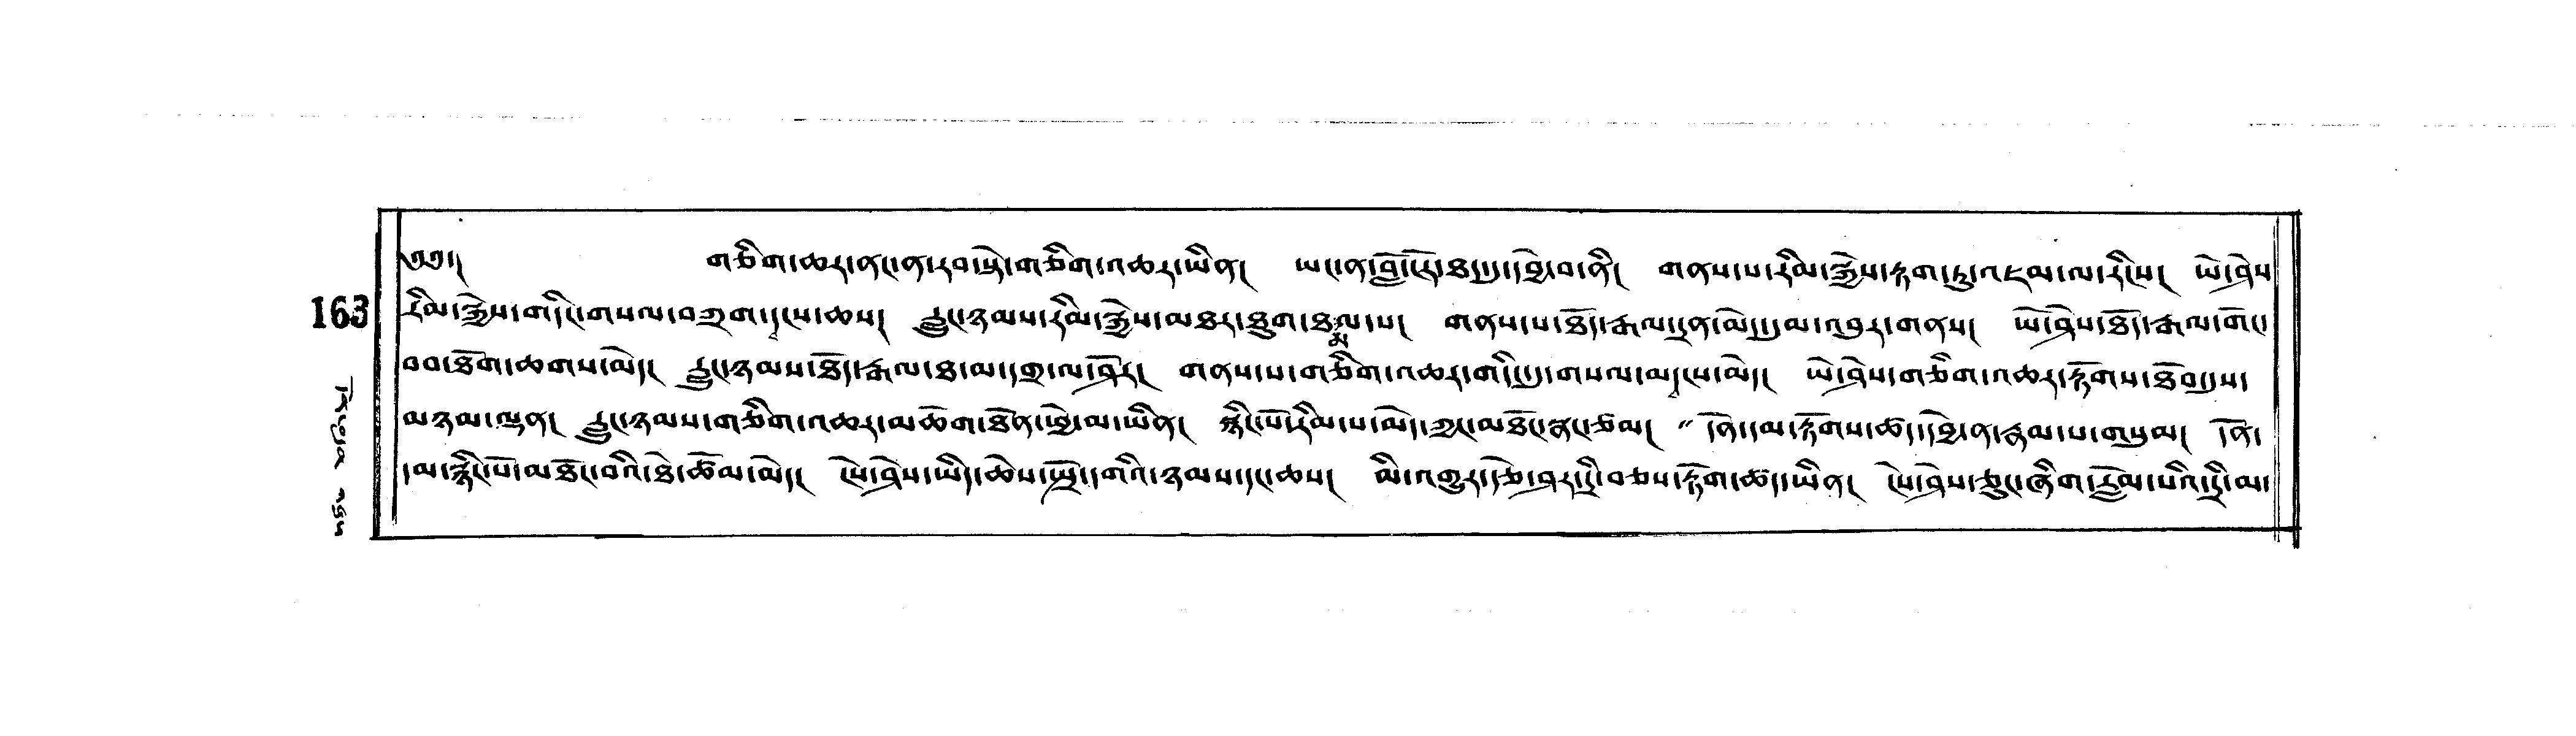གཅིག་ཆར་ནང་ནས་རབ་སྟེ་གཅིག་ཆར་ཡིན། ཡང་ན་བློ་ངོར་ཐད་དུ་དབྱེ་བ་ནི། གནས་པ་རིམ་སྐྱེས་རྟག་ཏུ་འཇམ་ལ་རིང་། ཡེ་ཤེས་
རིམ་སྐྱེས་གཏིང་གསལ་བཀྲག་མདངས་ཆས། རླུང་ཉམས་རིམ་སྐྱེས་མཐར་ཐུག་ཐ་མལ་པ། གནས་པ་ཐོད་རྒལ་དྲན་མེད་དུམ་བུར་གནས། ཡེ་ཤེས་ཐོད་རྒལ་གོང་
བབས་ཐོགས་ཆགས་མེད། རླུང་ཉམས་ཐོད་རྒལ་ཐ་མ་དགྲ་ལ་ཤོར། གནས་པ་གཅིག་ཆར་གདེང་དུ་གསལ་མདངས་མེད། ཡེ་ཤེས་གཅིག་ཆར་རྟོགས་ཐོབ་དུས་
མཉམ་ལྡན། རླུང་ཉམས་གཅིག་ཆར་མཆོག་ཐོན་ཕྱེ་མ་ཡིན། སྙིང་པོ་རིམ་པ་མེད་ཀྱང་མཐོང་སྣང་ཙམ། དོན་དམ་རྟོགས་ཚད་དབྱེ་ན་རྣམ་པ་གསུམ། དོན་
དམ་སྙིང་པོ་མཐོང་བའི་ཐེ་ཚོམ་མེད། ངེས་ཤེས་ཡིད་ཆེས་སྤྲོ་དགའི་ཉམས་དང་ཆས། མི་འགྱུར་རྩེ་ཤར་དྲི་བཅས་རྟོགས་ཚད་ཡིན། ངེས་ཤེས་ཅུང་ཞིག་རློམ་པའི་དྲི་མ་